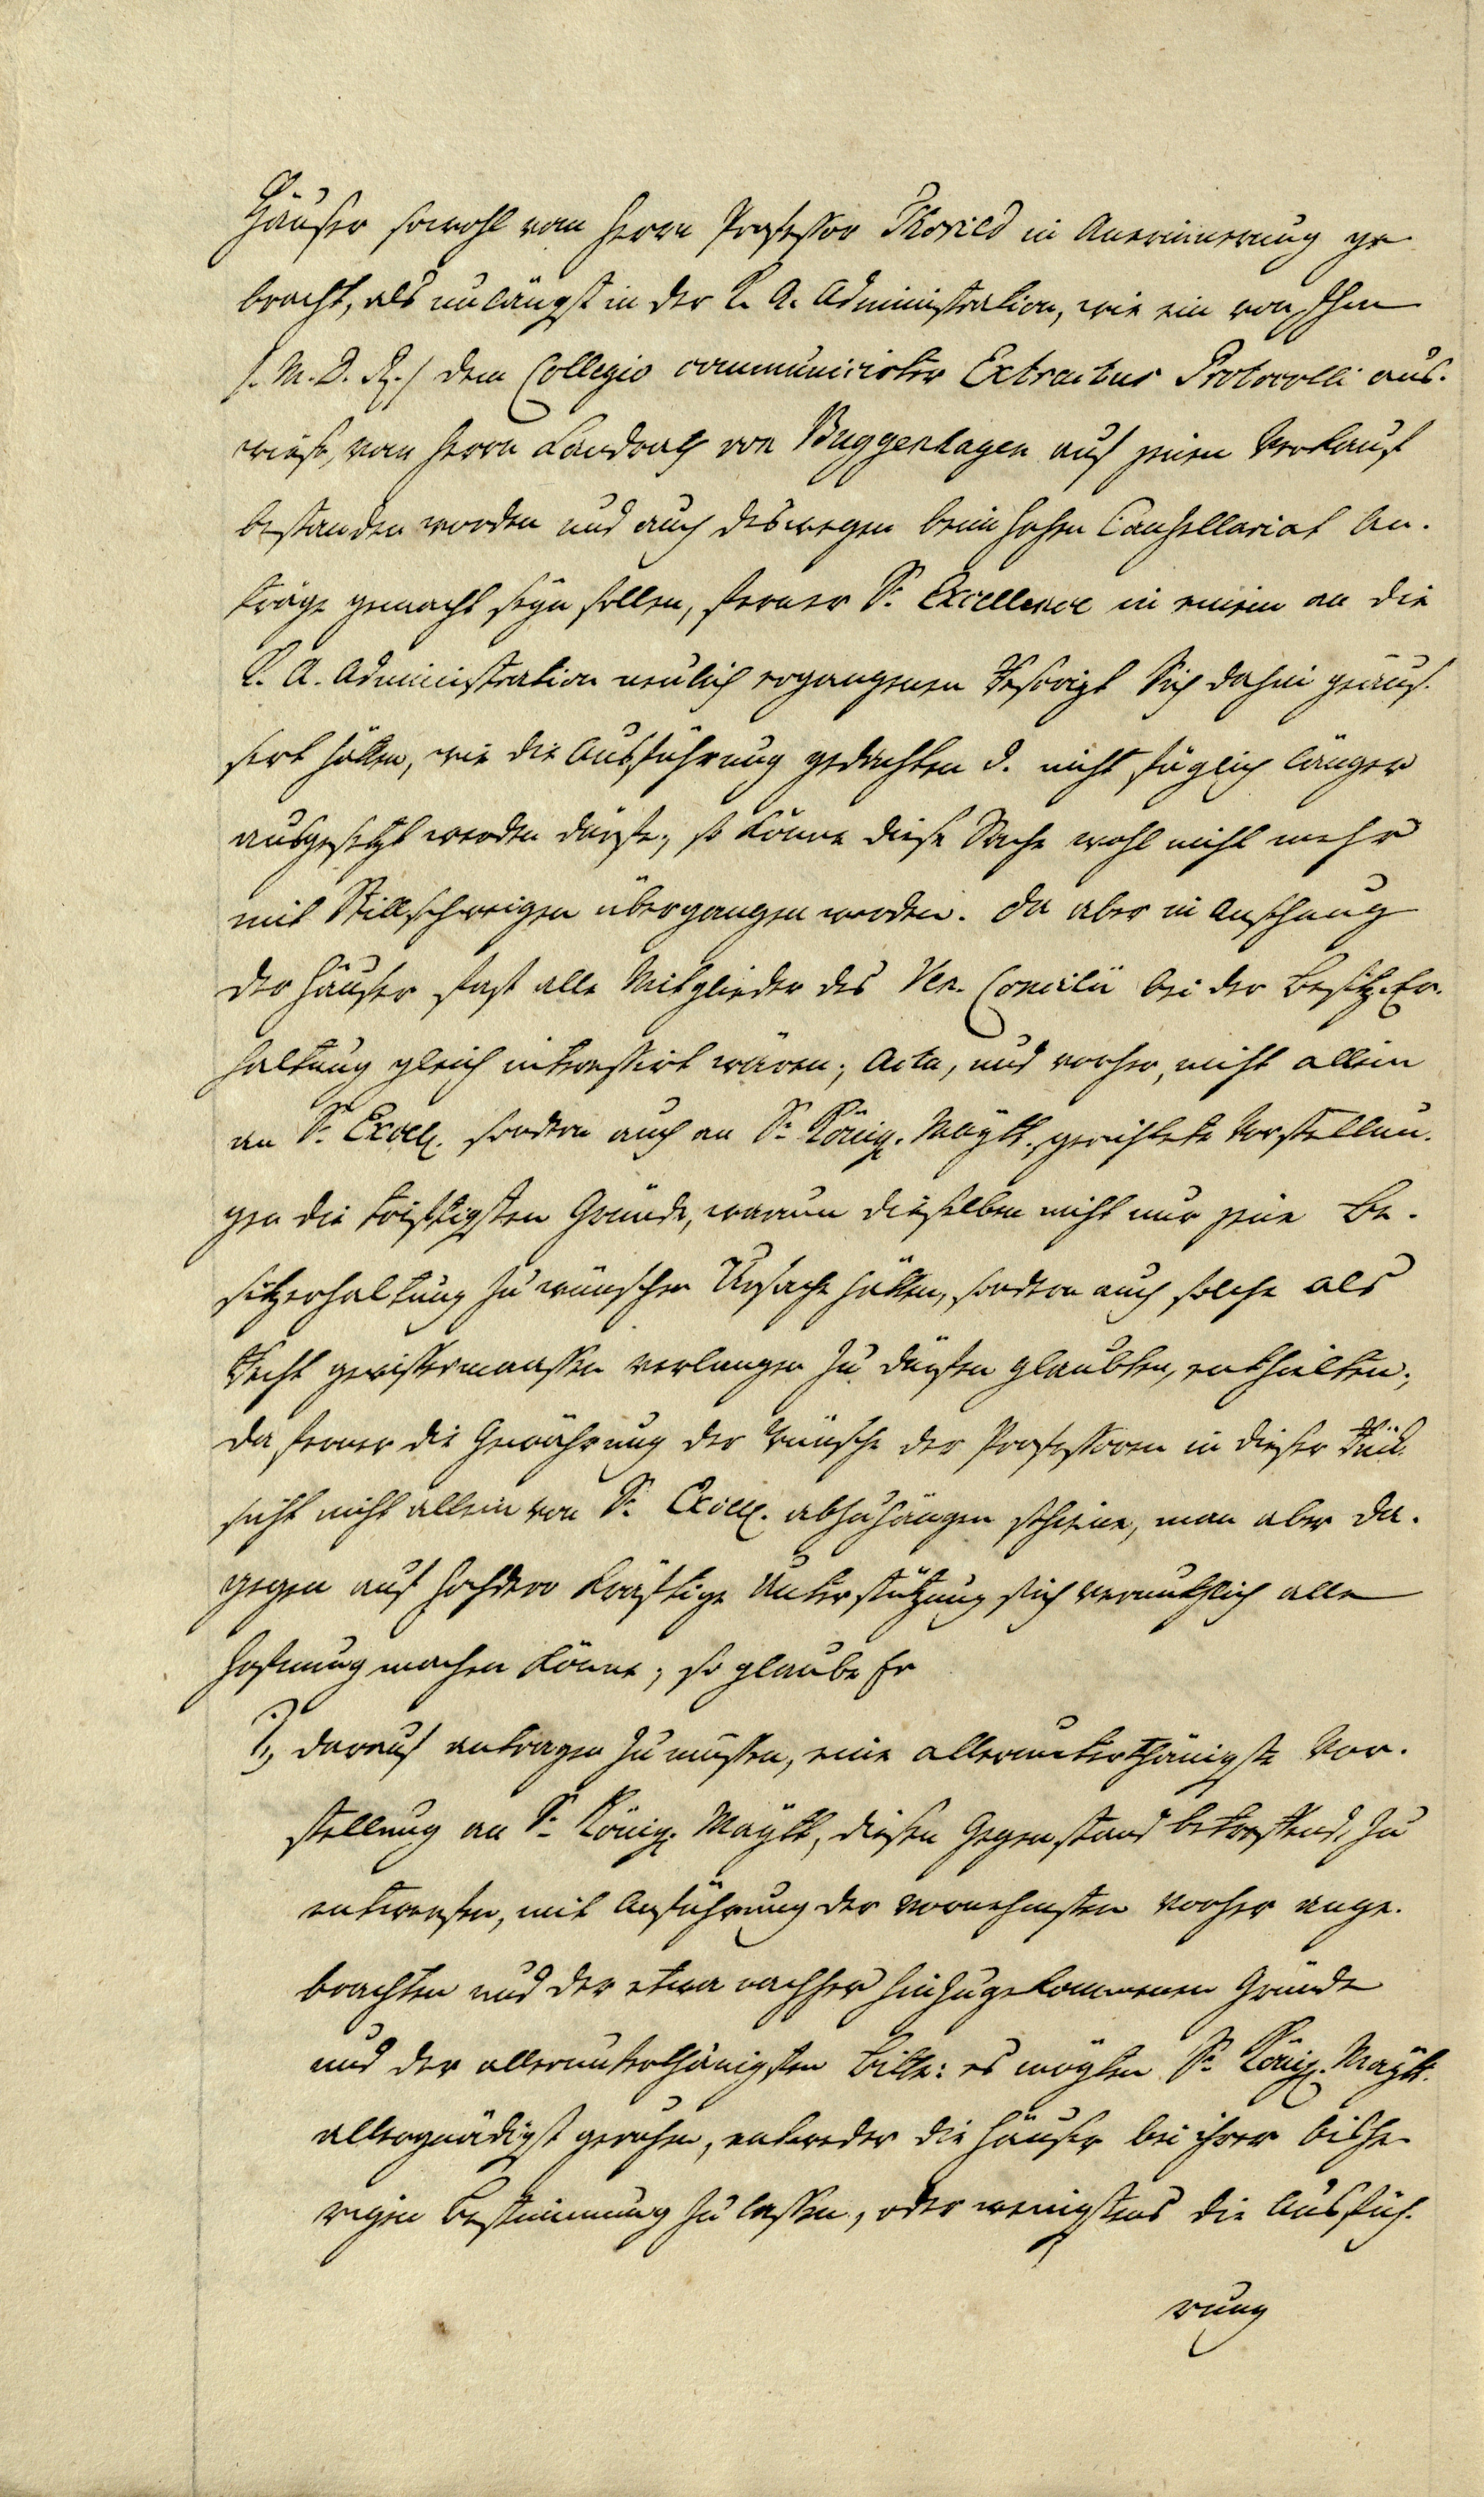Häuser sowohl von Herrn Professor Thorild in Anerinnerung ge¬
bracht, als unlängst in der K. A. Administration, wie ein von Ihm
/. M. D. R. / dem Collegio communicirter Extractus Protocolli aus¬
wiese, vom Herrn Landrath von Buggenhagen auf jenen Verkauf
bestanden worden und auch des wegen beim hohen Canzellariat An¬
frage gemacht seÿn sollen, ferner Sr Excellence in einem an die
K. A. Administration neulich ergangenen Rescript Sich dahin geäus¬
sert hätten, wie die Ausführung gedachten §. nicht füglich länger
ausgesetzt werden dürfe, so könne diese Sache wohl nicht mehr
mit Stillschweigen übergangen werden. Da aber in Ansehung
der Häuser fast alle Mitglieder des Ven. Concilio bei der Besitz Er¬
haltung gleich interessirt wären; Acta, und vorher, nicht allein
an Sr. Excel. sondern auch an Sr. König. Maÿtt. gerichtete Vorstellun¬
gen die triftigsten Gründe, warum dieselben nicht nur jene Be¬
sitzerhaltung zu wünschen Ursache hätten, sondern auch solche als
Recht gewissermaassen verlangen zu dürfen glaubten, enthielten;
da ferner die Gewährung der Wünsche der Professoren in dieser Rück¬
sicht nicht allein von Sr. Excell. abzuhängen schiene, man aber da¬
gegen auf hochdero kräftige Unterstützung sich vermuthlich alle
Hofnung machen könne, so glaube Er
1., darauf antragen zu müssen, eine allerunterthänigste Vor¬
stellung an Sr. König. Maÿtt, diesen Gegenstand betreffend, zu
entwerfen, mit Anführung der vornehmsten vorher ange¬
brachten und der etwa nachher hinzugekommenen Gründe
und der allerunterthänigsten Bitte: es mögten Sr. Königl. Maÿtt
allergnädigst geruhen, entweder die Häuser bei ihrer bishe¬
rigen Bestimmung zu lassen, oder wenigstens die Ausfüh¬
rung